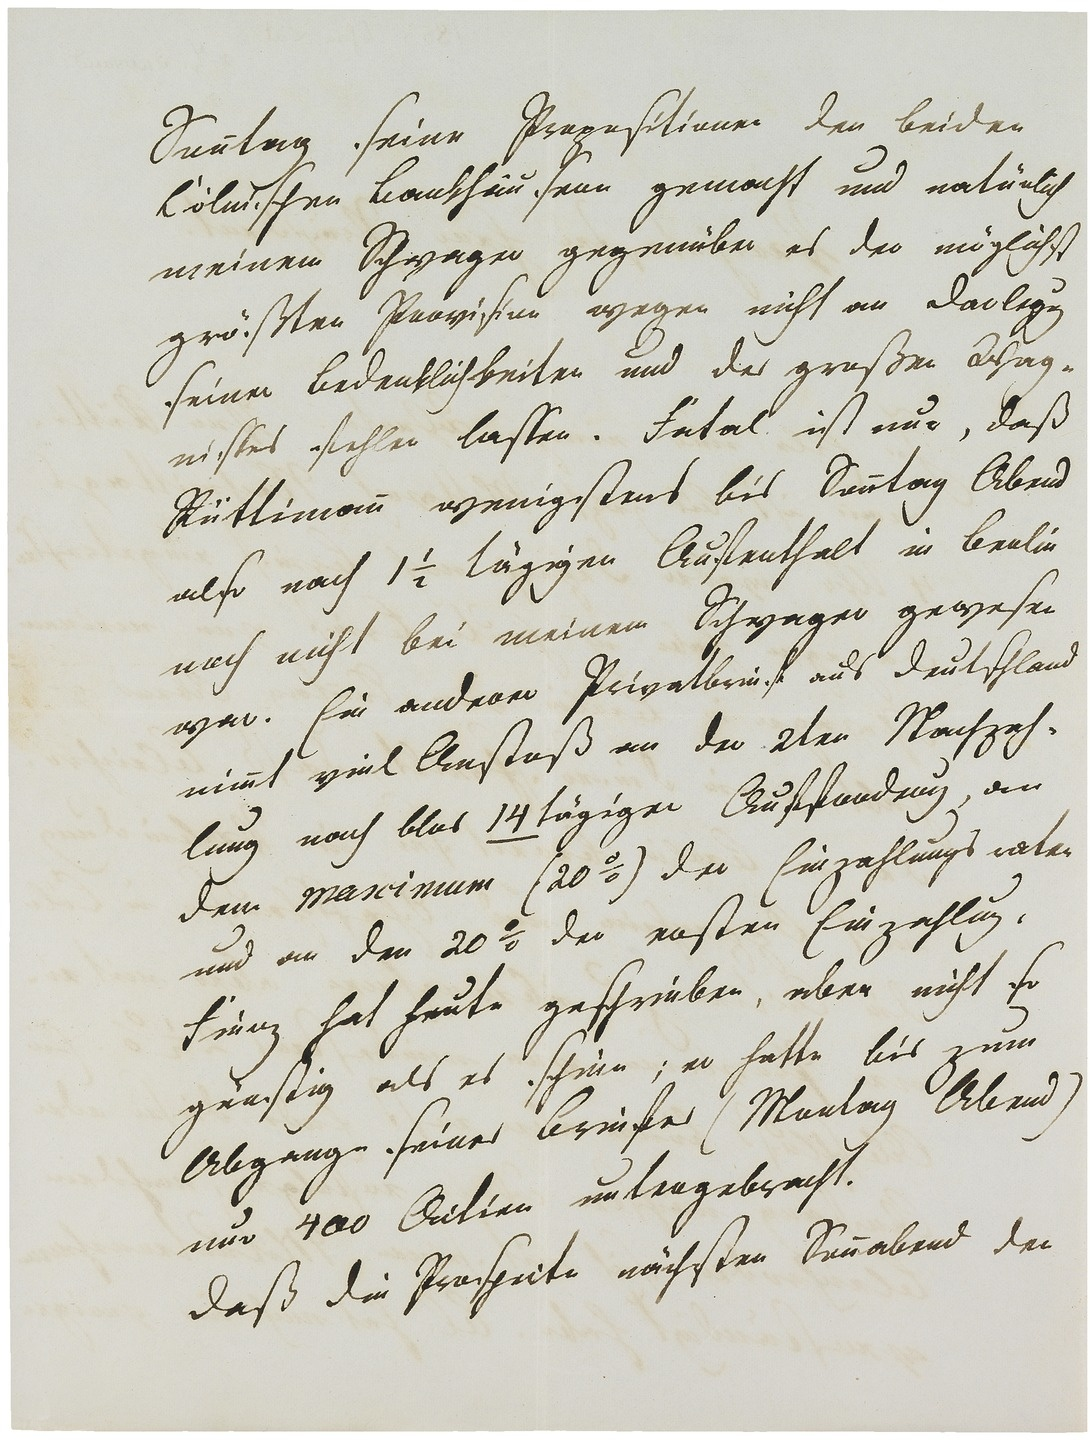Sonntag seine Propositionen den beiden
Cölnischen Bankhäusern gemacht und natürlich
meinem Schwager gegenüber es der möglichst
größten Provision wegen nicht an Darlegung
seiner Bedenklichkeiten und des großen Wag-
nisses fehlen lassen. Fatal ist nur, daß
Rüttimann wenigstens bis Sonntag Abend
also nach 1½ tägigem Aufenthalt in Berlin
noch nicht bei meinem Schwager gewesen
war. Ein anderer Privatbrief aus Deutschland
nimmt viel Anstoß an der 2ten Nachzah-
lung nach blos 14tägiger Aufforderung, an
dem Maximum (20%) der Einzahlungsraten
und an den 20% der ersten Einzahlung.
Fierz hat heute geschrieben, aber nicht so
günstig als es schien; er hatte bis zum
Abgange seiner Briefe (Montag Abend)
nur 400 Actien untergebracht.
Daß die Prospecte nächsten Sonnabend den